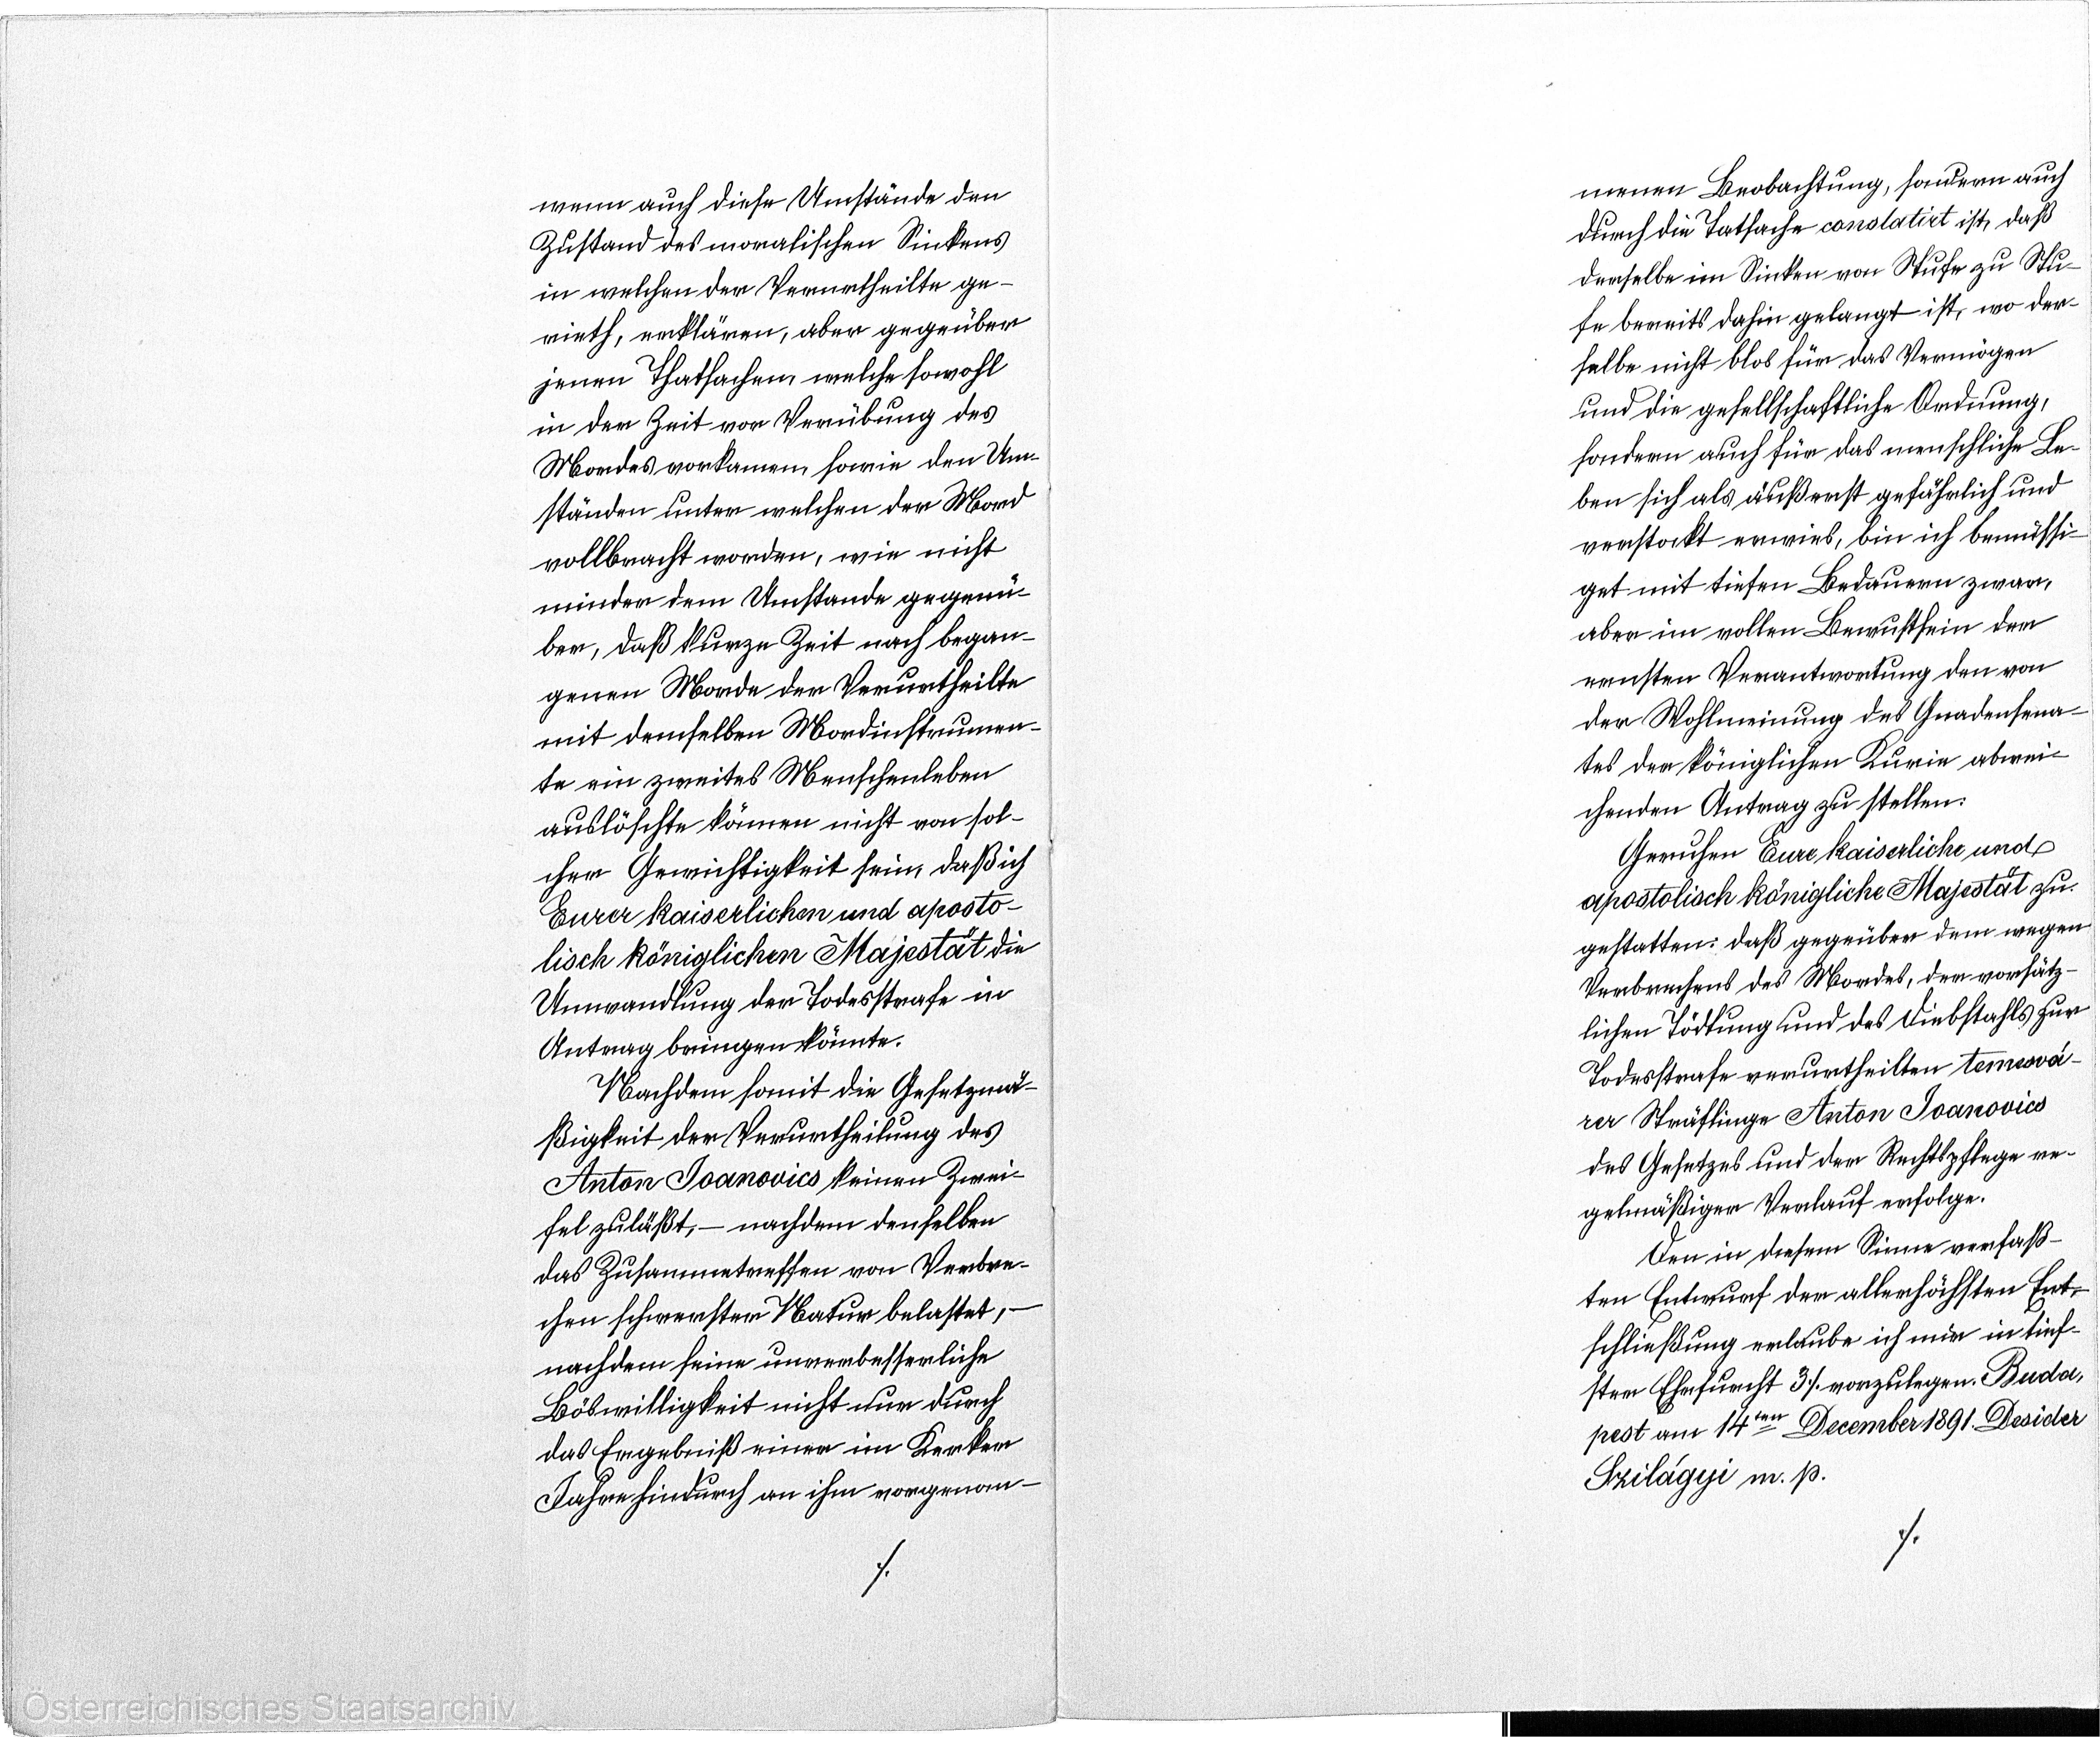wenn auch diese Umstände den
Zustand des moralischen Sinkens
in ewlchen der Verurtheilte ge¬
rieth, erklären, aber gegenüber
jenen Thatsachen welche sowohl
in der Zeit vor Verübung des
Mordes vorkamen sowie den Um¬
ständen unter welchen der Mord
vollbracht worden, wie nicht
minder dem Umstande gegenü¬
ber, daß kurze Zeit nach began¬
genen Morde der Verurtheilte
mit demselben Mordinstrumen¬
te ein zweites Menschenleben
auslöschte können nicht von sol¬
cher Gerichtigkeit sein, daß ich
Eurer kaiserlichen und aposto¬
lisch königlichen Majestät die
Umwandlung der Todesstrafe in
Antrag bringen könnte.
Nachdem somit die Gesetzmä¬
ßigkeit der Verurtheilung des
Anton Ioanovics keinen Zwei¬
fel zuläßt, nachdem denselben
das Zusammentreffen von Verbre¬
chen schwerster Natur belastet,
nachdem seine unverbesserliche
Böswilligkeit nicht nur durch
das Ergebniß einer im Kerker
Jahre hindurch an ihm vorgenom¬
menen Beobachtung, sondern auch
durch die Tatsache constatirt ist, daß
derselbe im Sinken von Stufe zu Stu¬
fe bereits dahin gelangt ist, wo der¬
selbe nicht blos für das Vermögen
und die gesellschaftliche Ordnung,
sondern auch für das menschliche Le¬
ben sich als äußerst gefährlich und
verstockt erwies, bin ich bemüssi¬
get mit tiefen Bedauern zwar
aber im vollen Bewustsein der
ernsten Verantwortung den von
der Wohlmeinung des Gnadensena¬
tes der königlichen Kurie abwei¬
chenden Antrag zu stellen:
Geruhen Eure kaiserliche und
apostolisch königliche Majestät zu
gestatten: daß gegenüber dem wegen
Verbrechens des Mordes, der vorsätz¬
lichen Tödtung und des Diebstahls zur
Todesstrafe verurtheilten temesvá¬
rer Sträflinge Anton Ioanovics
des Geseetzes und der Rechtspflege re¬
gelmäßiger Verlauf erfolge.
Den in diesem Sinne verfaß¬
ten Entwurf der allerhöchsten Ent¬
schließung erlaube ich mir in tief¬
ster Ehrfurcht 3) vorzulegen. Buda¬
pest am 14ten December 1891 Desider
Szilágyi m.p.